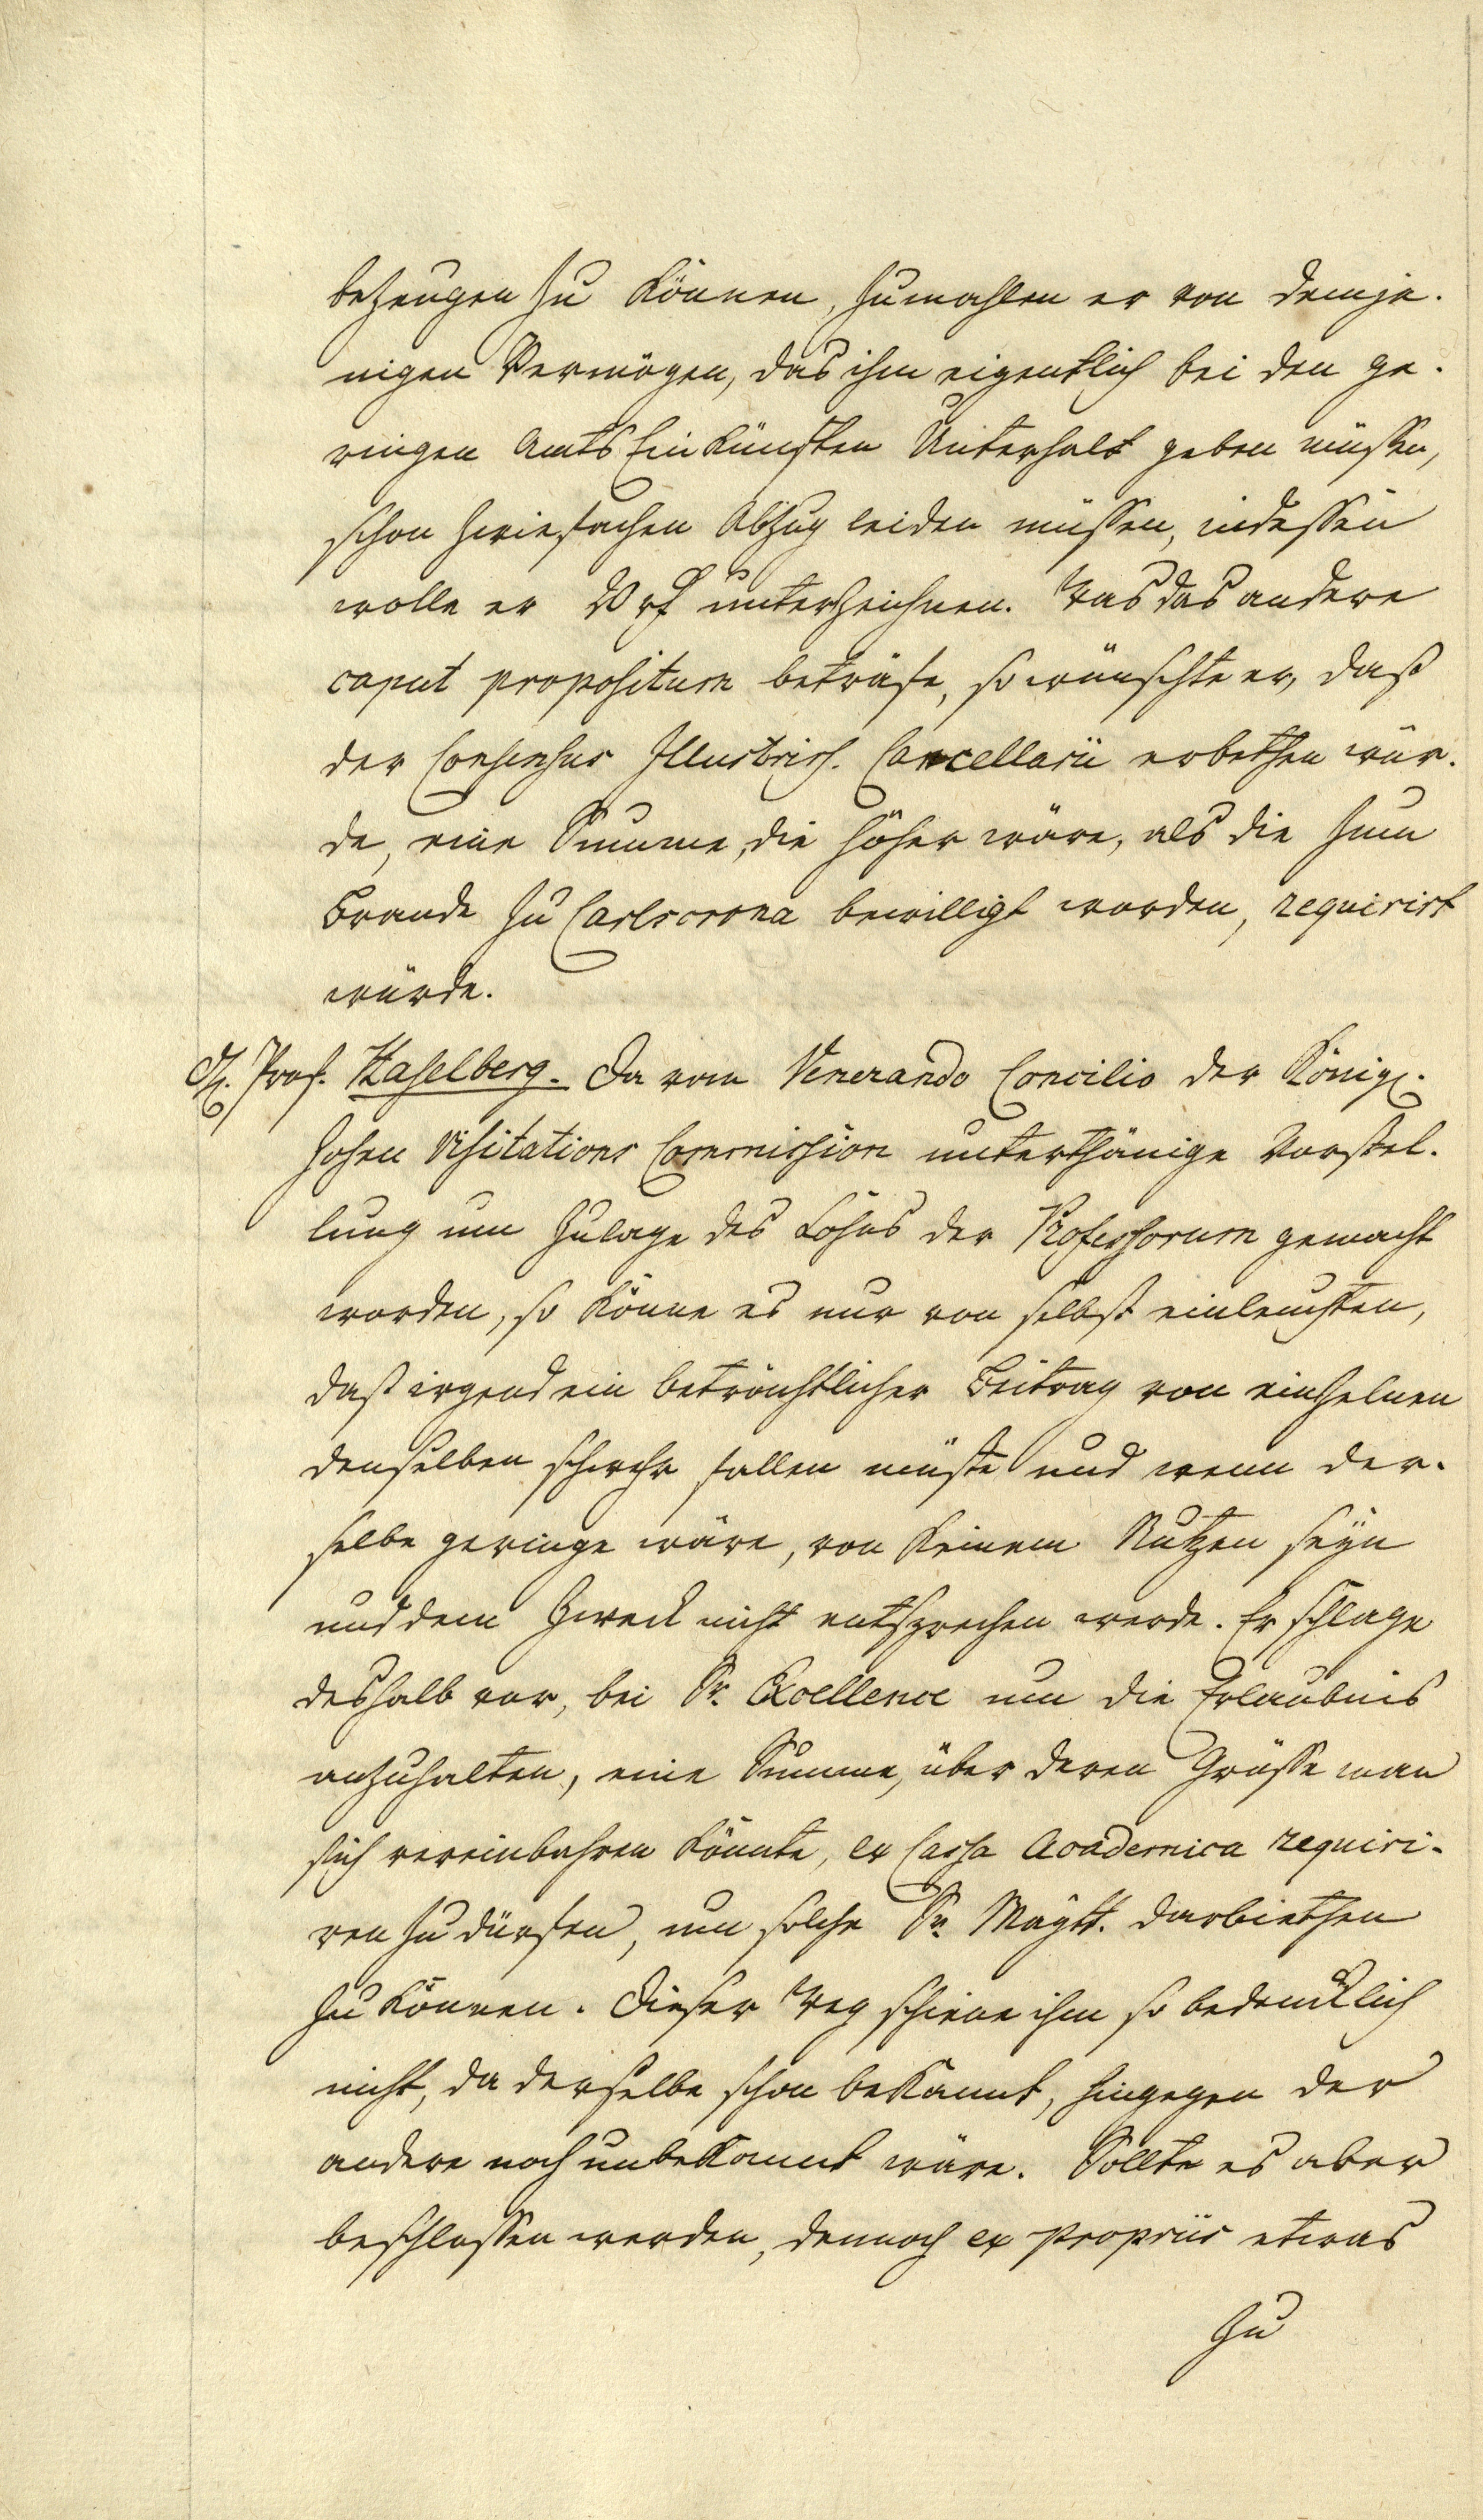bezeugen zu können, zumahlen er von demje-
nigen Vermögen, das ihm eigentlich bei den ge-
ringen Amts Einkünften Unterhalt geben müsste,
schon zwiefachen Abzug leiden müssen, indessen
wolle er 20 rth unterzeichnen. Was das andere
caput propositum beträfe, so wünschte er, daß
der consensus Illustriss. Cancellarii erbethen wür-
de, eine Summe, die höher wäre, als die zum
Brande zu Carlscrona bewilligt worden, requirirt
würde.
dh. Prof. Haselberg. Da vom Venerando Concilio der Königl.
hohen Visitations Commission unterthänige Vorstel-
lung um Zulage des Lohns der Professorum gemacht
worden, so könne es nur von selbst einleuchten,
daß irgend ein beträchtlicher Beitrag von einzelnen
denselben schwehr fallen müßte und wenn der-
selbe geringe wäre, von keinem Nutzen seyn
und dem Zweck nicht entsprechen werde. Er schlage
deshalb vor, bei Sr. Excellence um die Erlaubnis
anzuhalten, eine Summe, über deren Grösse man
sich vereinbahren könnte, ex Cassa Academica requiri-
ren zu dürfen, um solche Sr. Maytt. darbiethen
zu können. Dieser Weg schiene ihm so bedenklich
nicht, da derselbe schon bekannt, hingegen der
andere noch unbekannt wäre. Sollte es aber
beschlossen werden, dennoch ex propriis etwas
zu